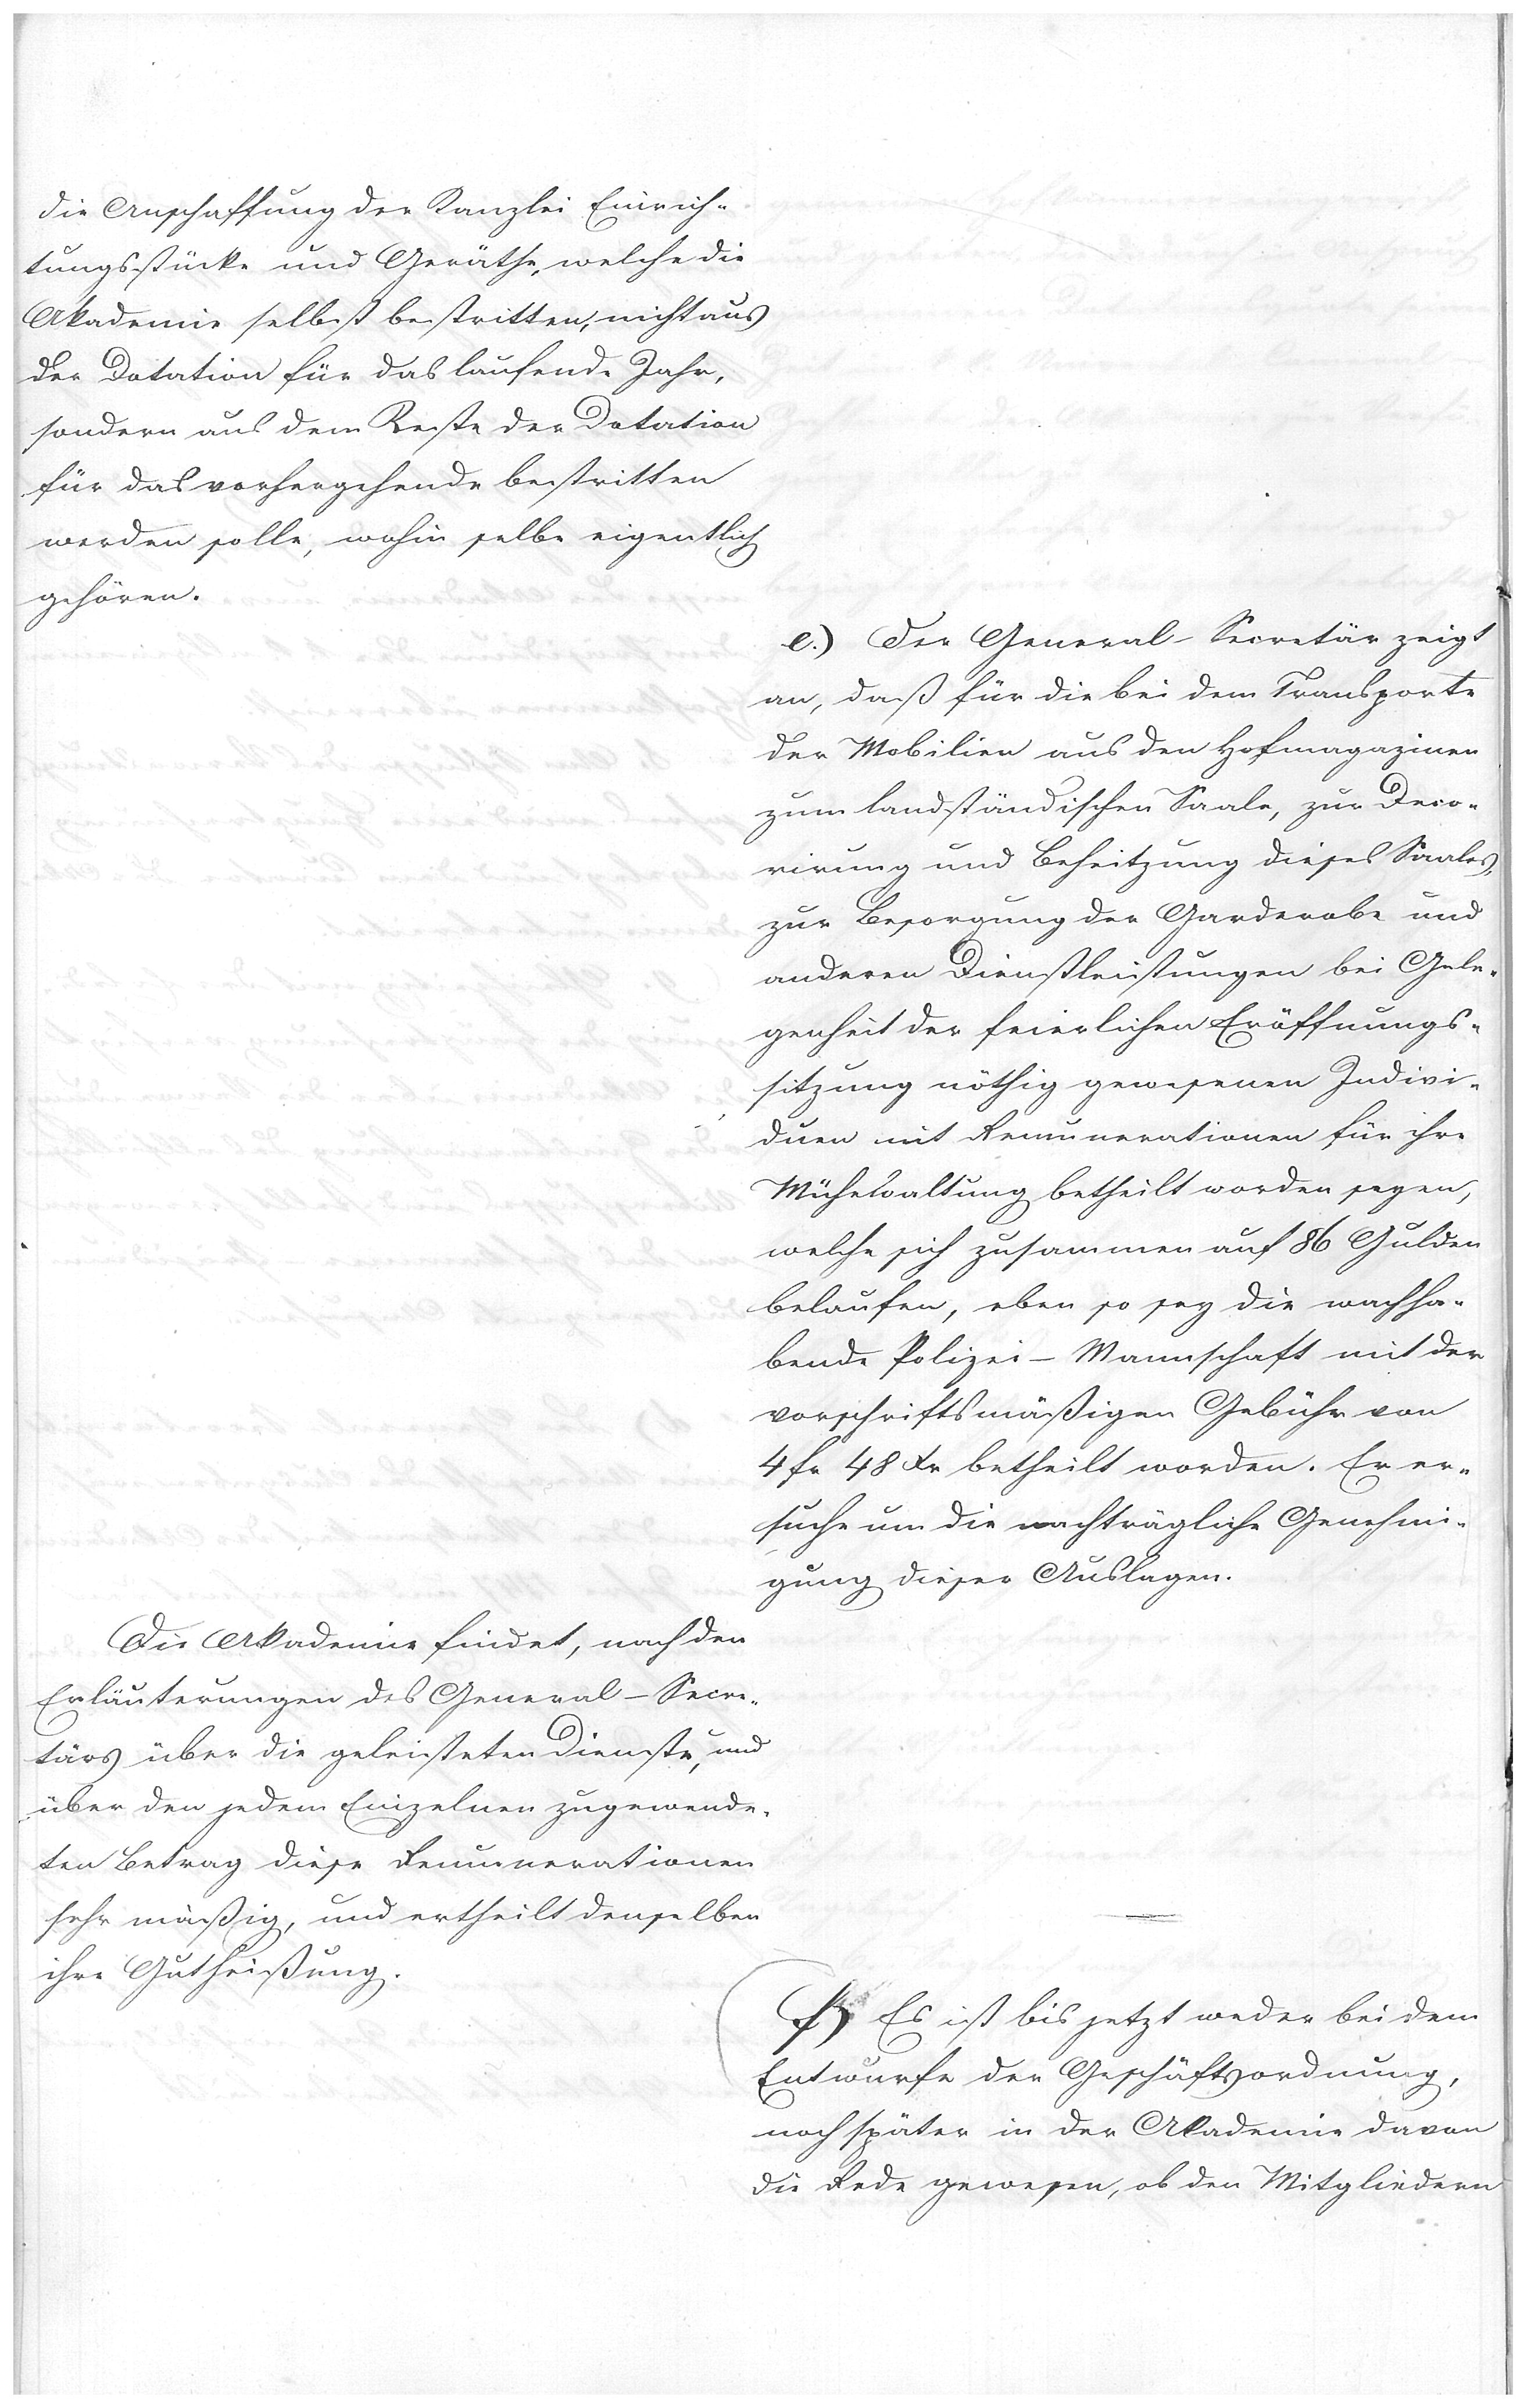die Anschaffung der Kanzlei Einrich-
tungsstücke und Geräthe, welche die
Akademie selbst bestreitten, nicht aus
der Dotation für das laufende Jahre,
sondern aus dem Reste der Dotation
für das vorhergehende bestritten
werden solle, wohin selbe eigentlich
gehören.
e) Der General-Secretär zeigt
an, daß für die bei dem Transporte
der Mobilien aus den Hofmagazinen
zum landständischen Saale, zur Deco-
rirung und Beheitzung dieses Saales
zur Besorgung der Garderobe und
anderen Dienstleistungen bei Gele-
genheit der feierlichen Eröffnungs-
sitzung nöthig gewesenen Indivi-
duen mit Remunerationen für ihre
Mühewaltung betheilt worden seyen,
welche sich zusammen auf 86 Gulden
belaufen, eben so sey die wachha-
bende Polize-Mannschaft mit der
vorschriftsmäßigen Gebühr von
4 fl 48 kr betheilt worden. Er er-
suche um die nachträgliche Genehmi-
gung dieser Auslagen.
Die Akademie findet, nach den
Erläuterungen des General-Secre-
tärs über die geleisteten Dienste und
über den jedem Einzelnen zugewende-
ten Betrag diese Remunerationen
sehr mäßig und ertheilt denselben
ihre Gutheißung.
f) Es ist bis jetzt weder bei dem
Entwurfe der Geschäftsordnung,
noch später in der Akademie davon
die Rede gewesen, ob den Mitgliedern